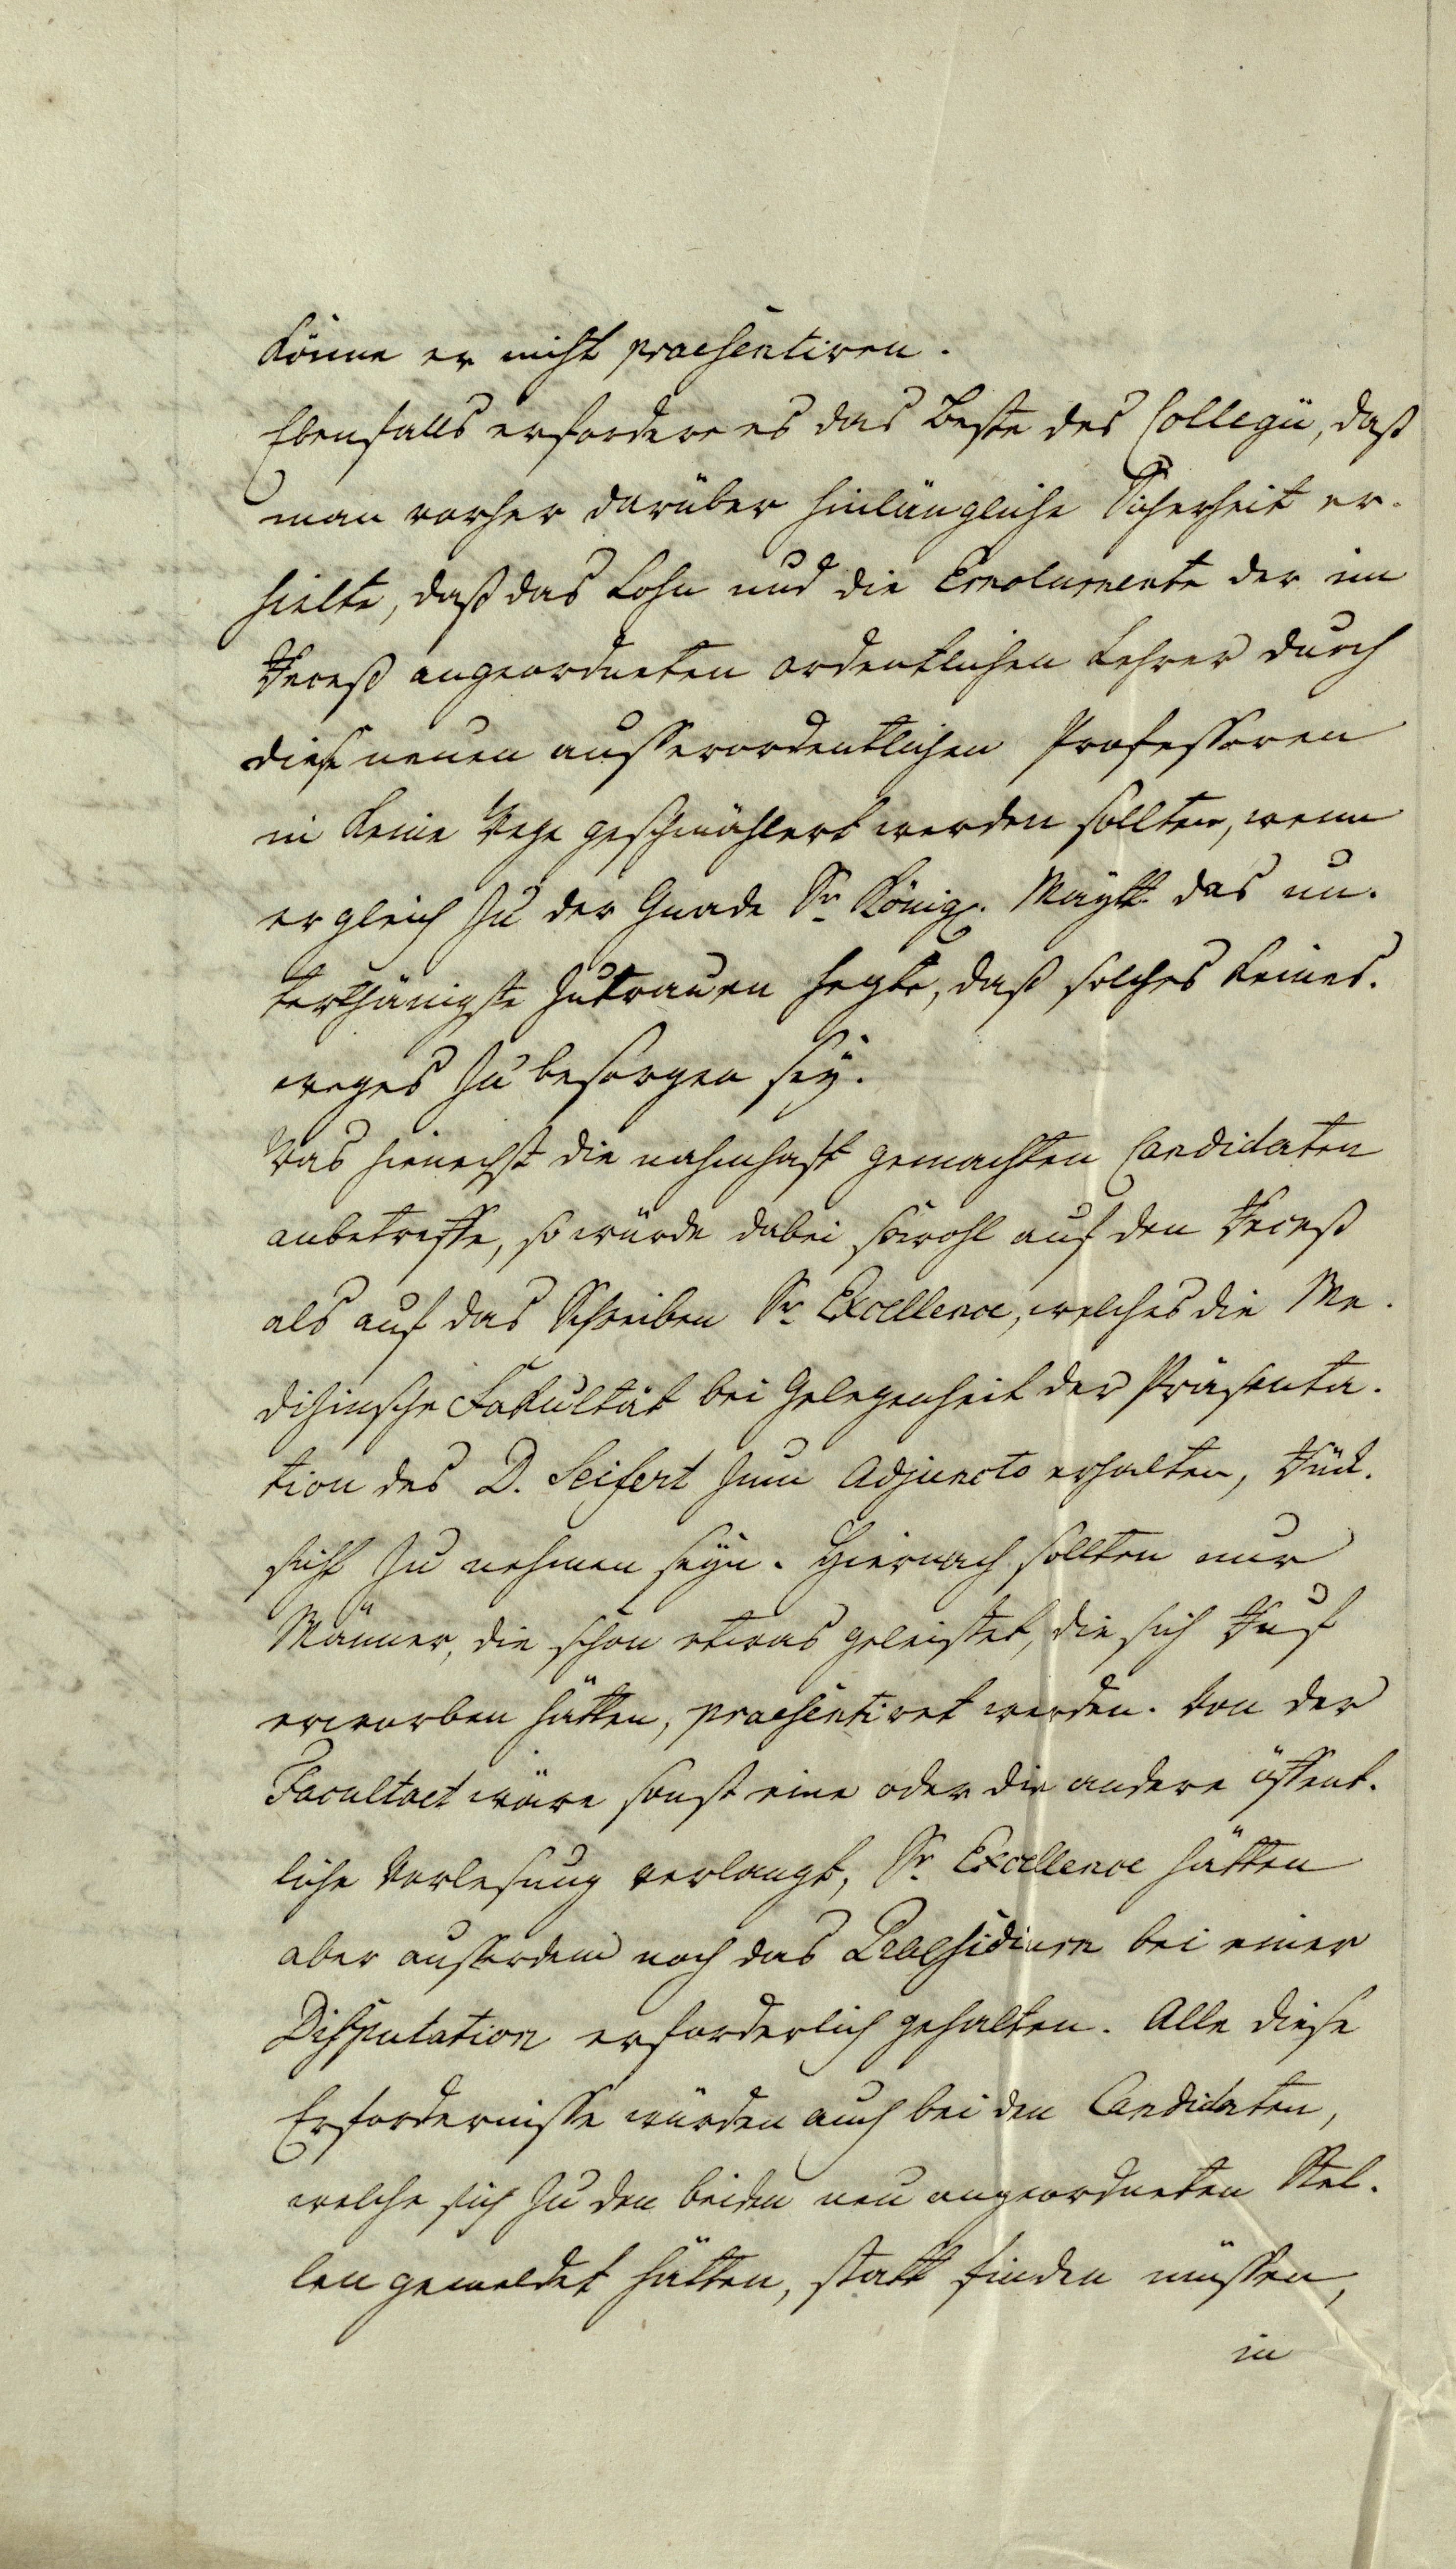könne er nicht praesentiren.
Ebenfalls erfordere es das Beste des Collegii, daß
man vorher darüber hinlänglich Sicherheit er¬
hielte, daß das Lohn und die Emolumente der im
Receß angeordneten ordentlichen Lehrer durch
diese neuen ausserordentlichen Professoren
in keine Wege geschmählert werden sollten, wenn
er gleich zu der Gnade Sr. Königl. Maÿst. das un¬
terthänigste Zutrauen hegte, daß solches keines¬
weges zu befragen seÿ.
Was hienechst die nahmhaft gemachten Candidaten
anbetreffe, so würde dabei sowohl auf den Receß
als auf das Schreiben Sr. Excellence, welches die Me¬
dizinische Fakultät bei Gelegenheit der Präsenta¬
tion des D. Seifert zum Adjuncto erhalten, Rück¬
sicht zu nehmen seÿn. Hierauf sollten nur
Männer, die schon etwas geleistet, die sich Ruf
erworben hätten, praesentiret werden. Von der
Facultät wäre sonst eine oder die andere öffent¬
liche Vorlesung verlangt, Sr. Excellence hätten
aber ausserdem noch das Praesidium bei einer
Disputation erforderlich gehalten. Alle diese
Erfordernisse würden auch bei den Candidaten,
welche sich zu den beiden neu angeordneten Stel¬
len gemeldet hätten, statt finden müssten,
in